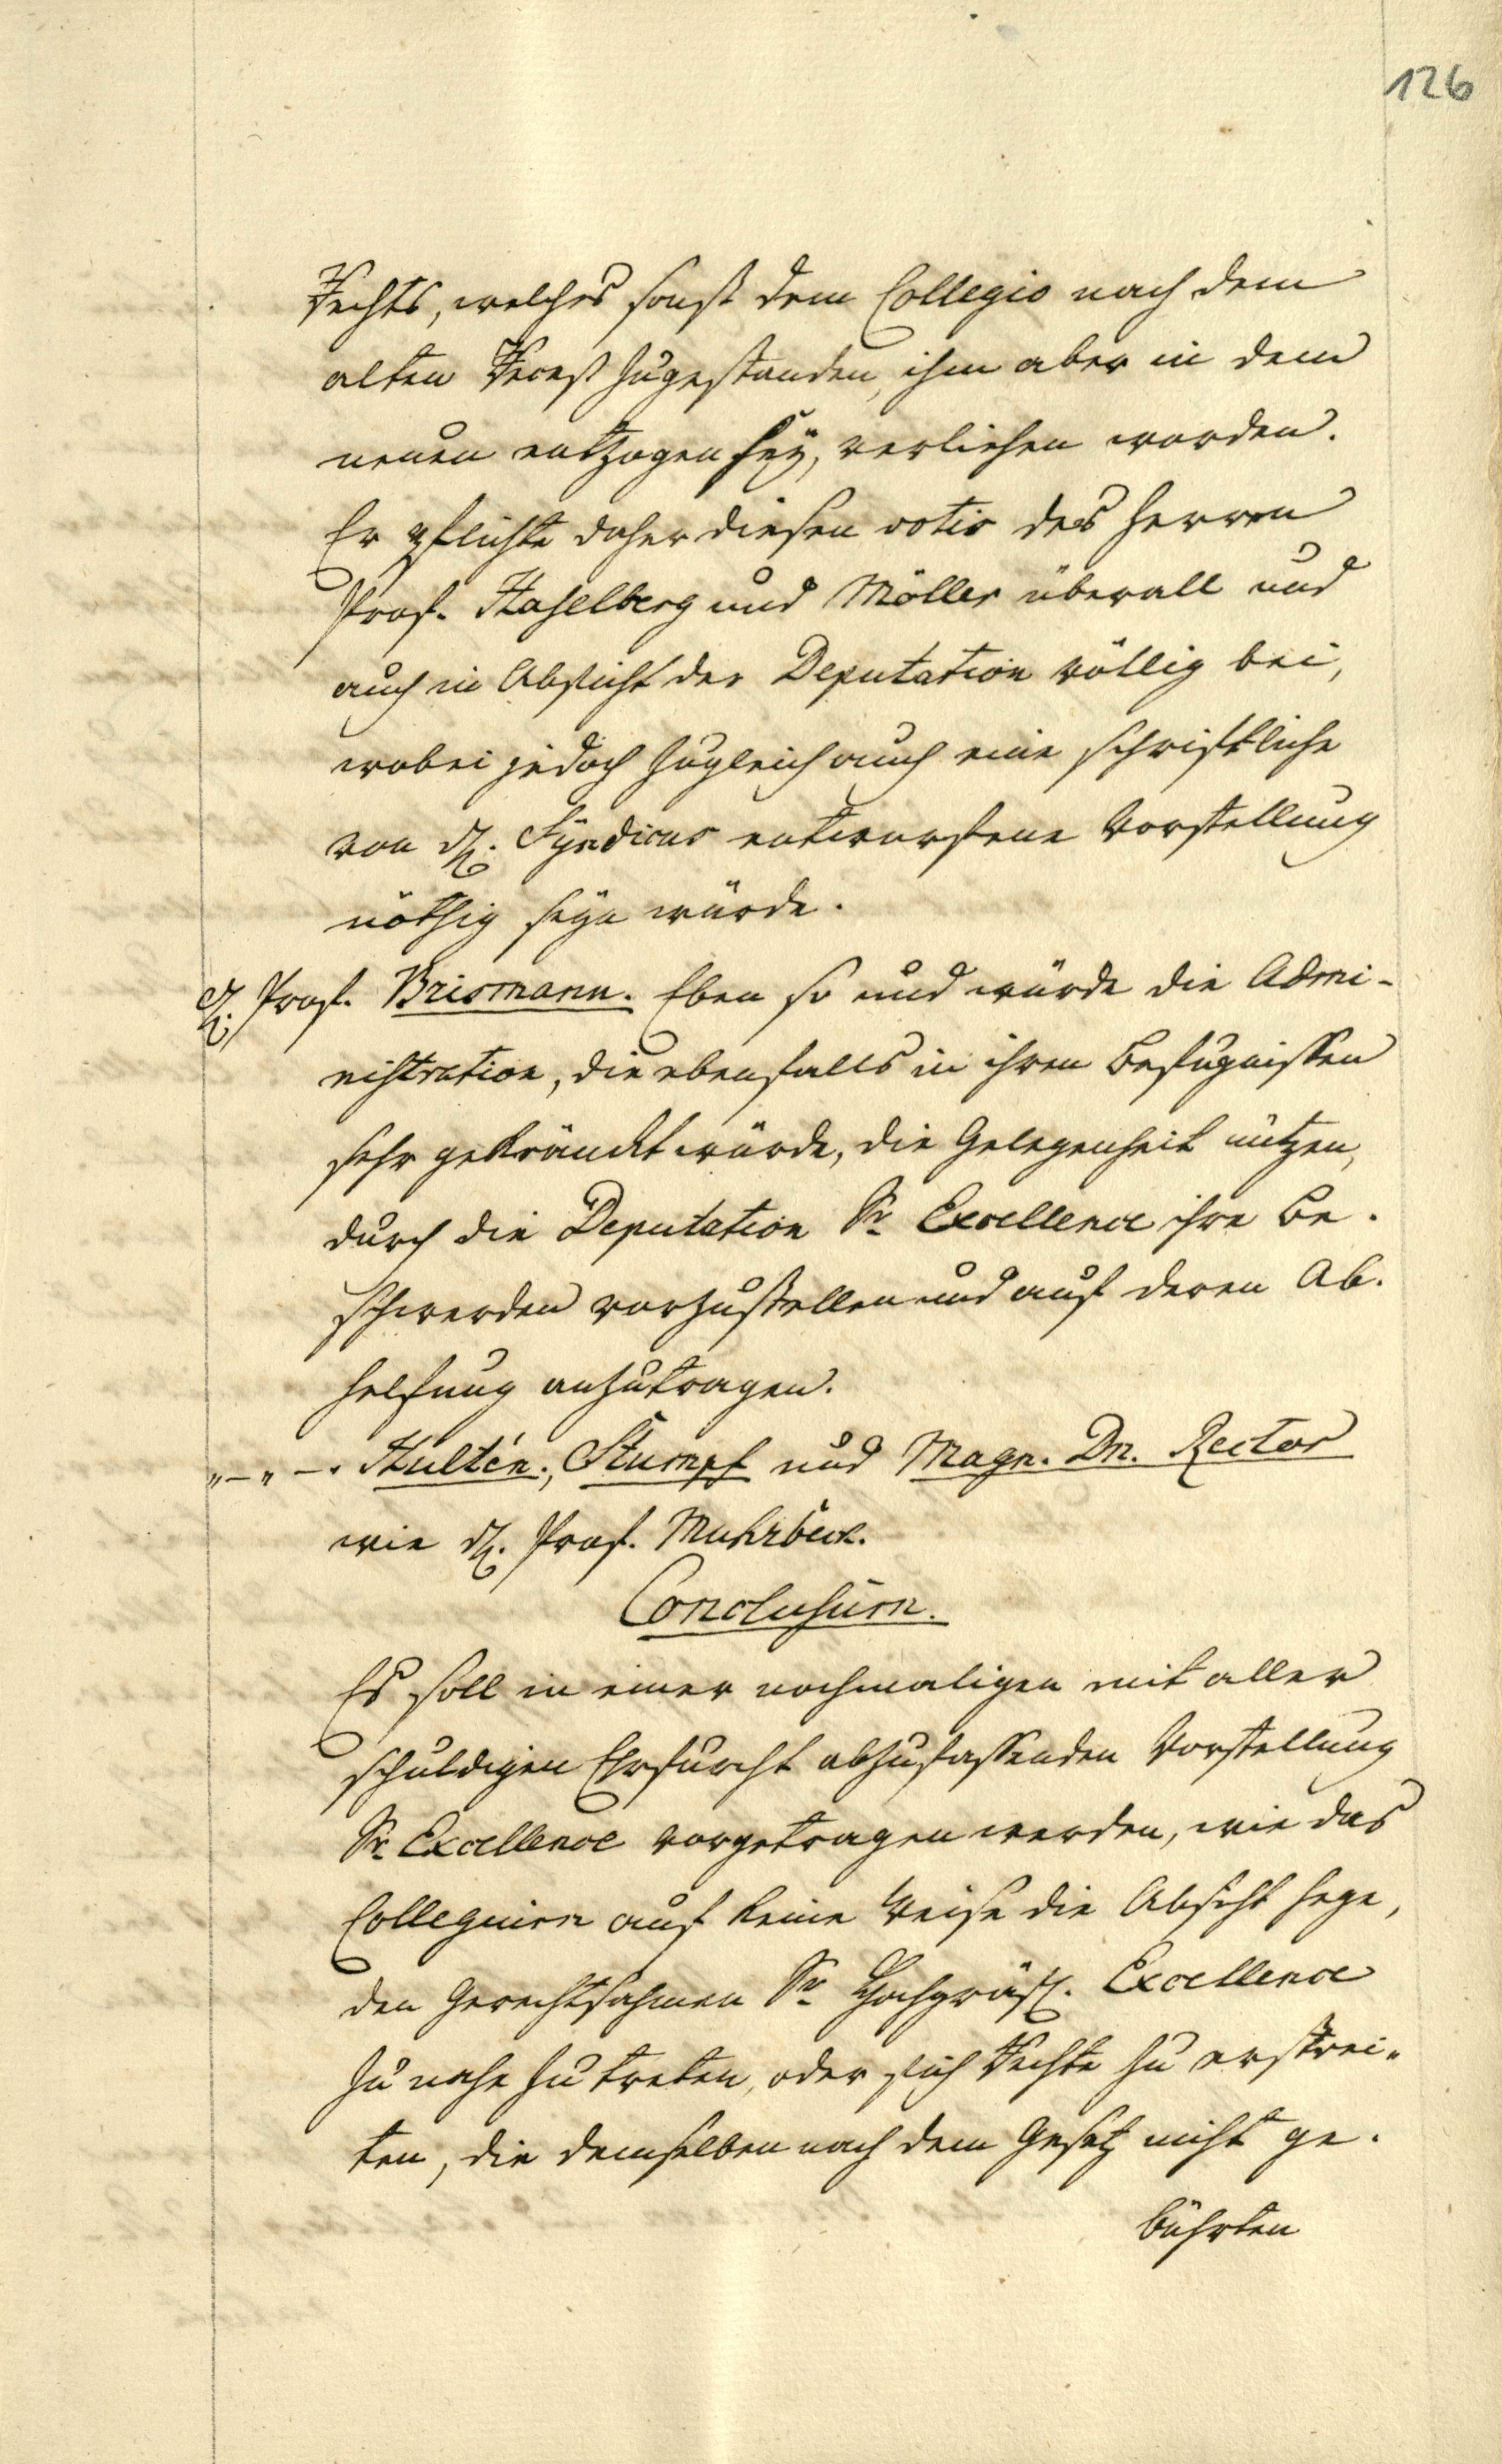Rechts, welches sonst dem Collegio nach dem
alten Receß zugestanden, ihm aber in dem
neuen entzogen seÿ, verliehen worden.
Er pflichte daher diesen votis der Herren
Prof. Haselberg und Möller überall und
auch in Absicht der Deputation völlig bei,
wobei jedoch zugleich auch eine schriftliche
von dh. Sÿndicus entworfene Vorstellung
nöthig seÿn würde.
dh. Prof. Brismann. Eben so und würde die Admi¬
nistration, die ebenfalls in ihren Befugnissen
sehr gekränckt würde, die Gelegenheit nutzen,
durch die Deputation Sr Excellence ihre Be¬
schwerden vorzustellen und auf deren Ab¬
helfung anzutragen.
Hultén.; Stumpf und Magn. Dn. Rector
wie dh. Prof. Muhrbeck
Conclusum.
Es soll in einer nochmaligen mit aller
schuldigen Ehrfurcht abzufassenden Vorstellung
Sr Excellence vorgetragen werden, wie das
Collegium auf keine Weise die Absicht hege,
den Gerechtsahmen Sr Hochgräfl. Excellence
zu nahe zu treten, oder sich Rechte zu erstrei¬
ten, die demselben nach dem Gesetz nicht ge¬
bührten